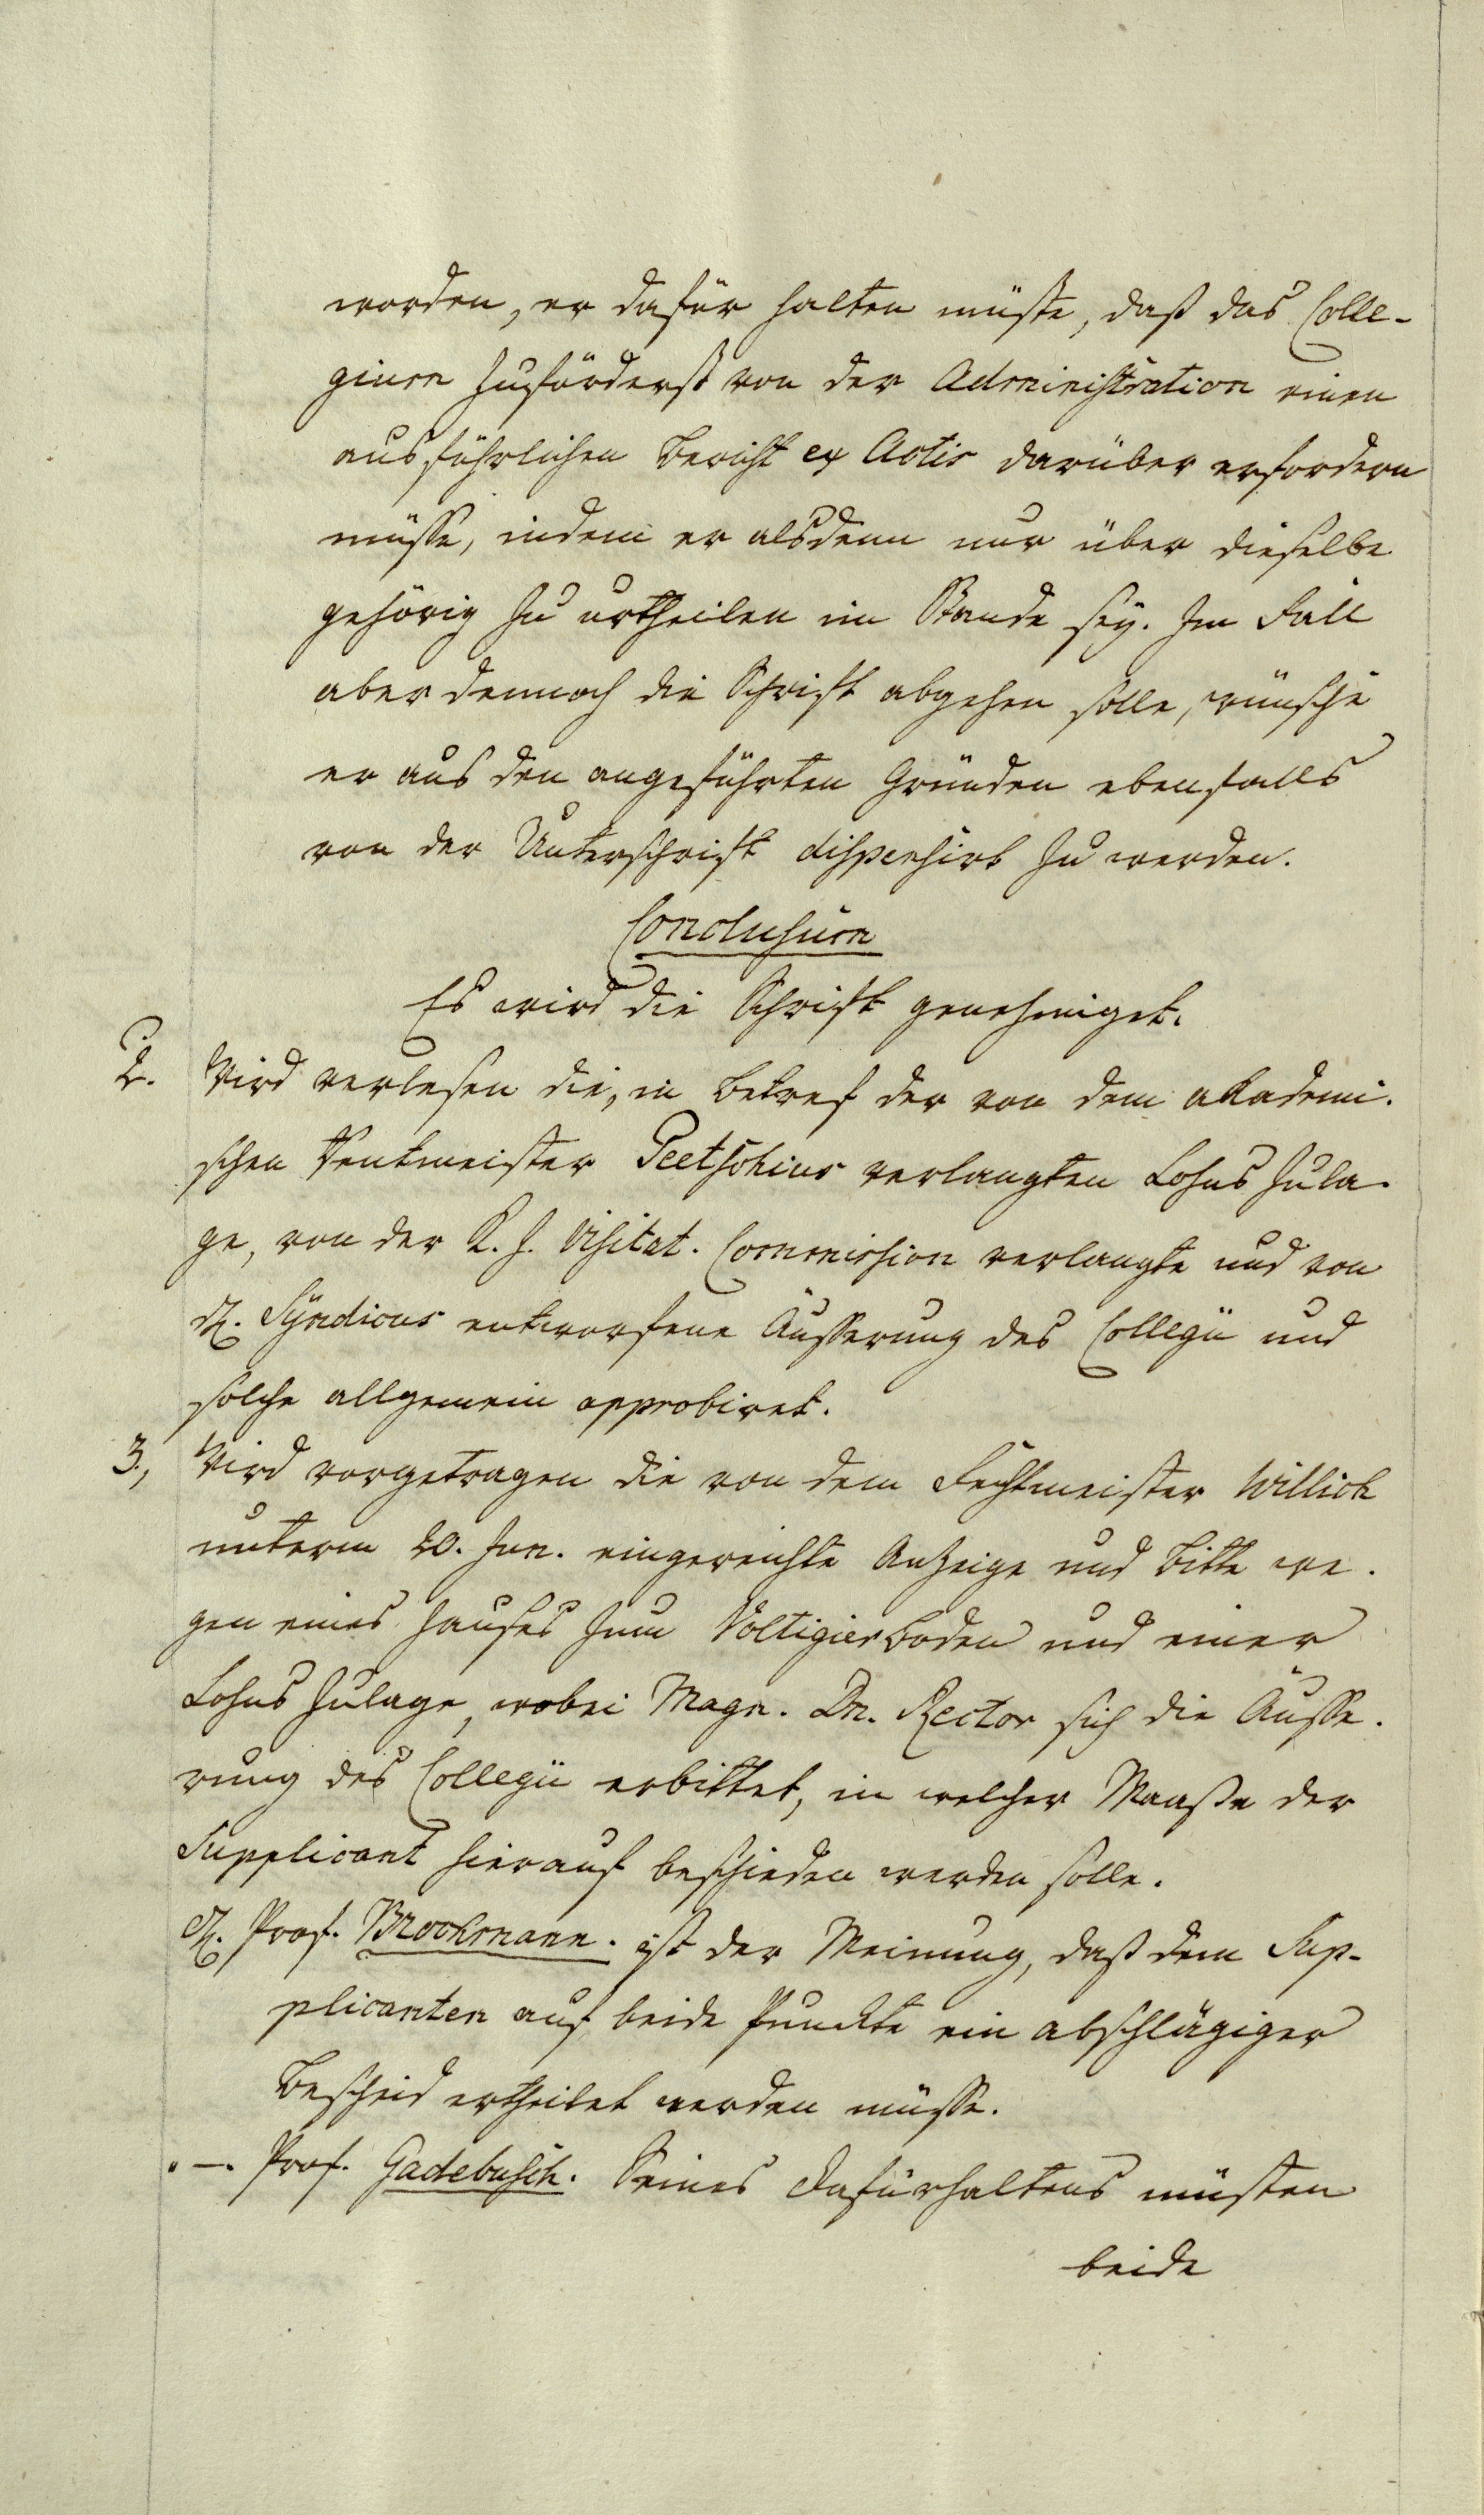worden, er dafür halten müsste, daß das Colle¬
gium zuförderst von der Administration einen
ausführlichen Bericht ex Actis darüber erfordern
müsse, indem er alsdann nur über dieselbe
gehörig zu urtheilen im Stande seÿ. Im Fall
aber dennoch die Schrift abgehen solle, wünscht
er aus den angeführten Gründen ebenfalls
von der Unterschrift dispensirt zu werden.
Conclusum
Es wird die Schrift genehmigt.
2. Wird verlesen die, in Betref der von dem akademi¬
schen Rentmeister Peetsohius verlangten Lohns Zula¬
ge, von der K. H. Visitat. Commission verlangte und von
dh. Sÿndicus entworfene Äusserung des Collegii und
solche allgemein approbiret.
3., Wird vorgetragen die von dem Fechtmeister Willich
unterm 20. Jun. eingereichte Anzeige und Bitte we¬
gen eines Hauses zum Voltigier Boden und einer
Lohns Zulage, wobei Magn. Dn. Rector sich die Äusse¬
rung des Collegii erbittet, in welcher Maaße der
Supplicant hierauf beschieden werden solle.
dh. Prof. Brockmann. ist der Meinung, daß dem Sup¬
plicanten auf beide Punkte ein abschlägiger
Bescheid ertheilt werden müsse.
" — . Prof. Gadebusch. Seines Dafürhaltens müssen
beide